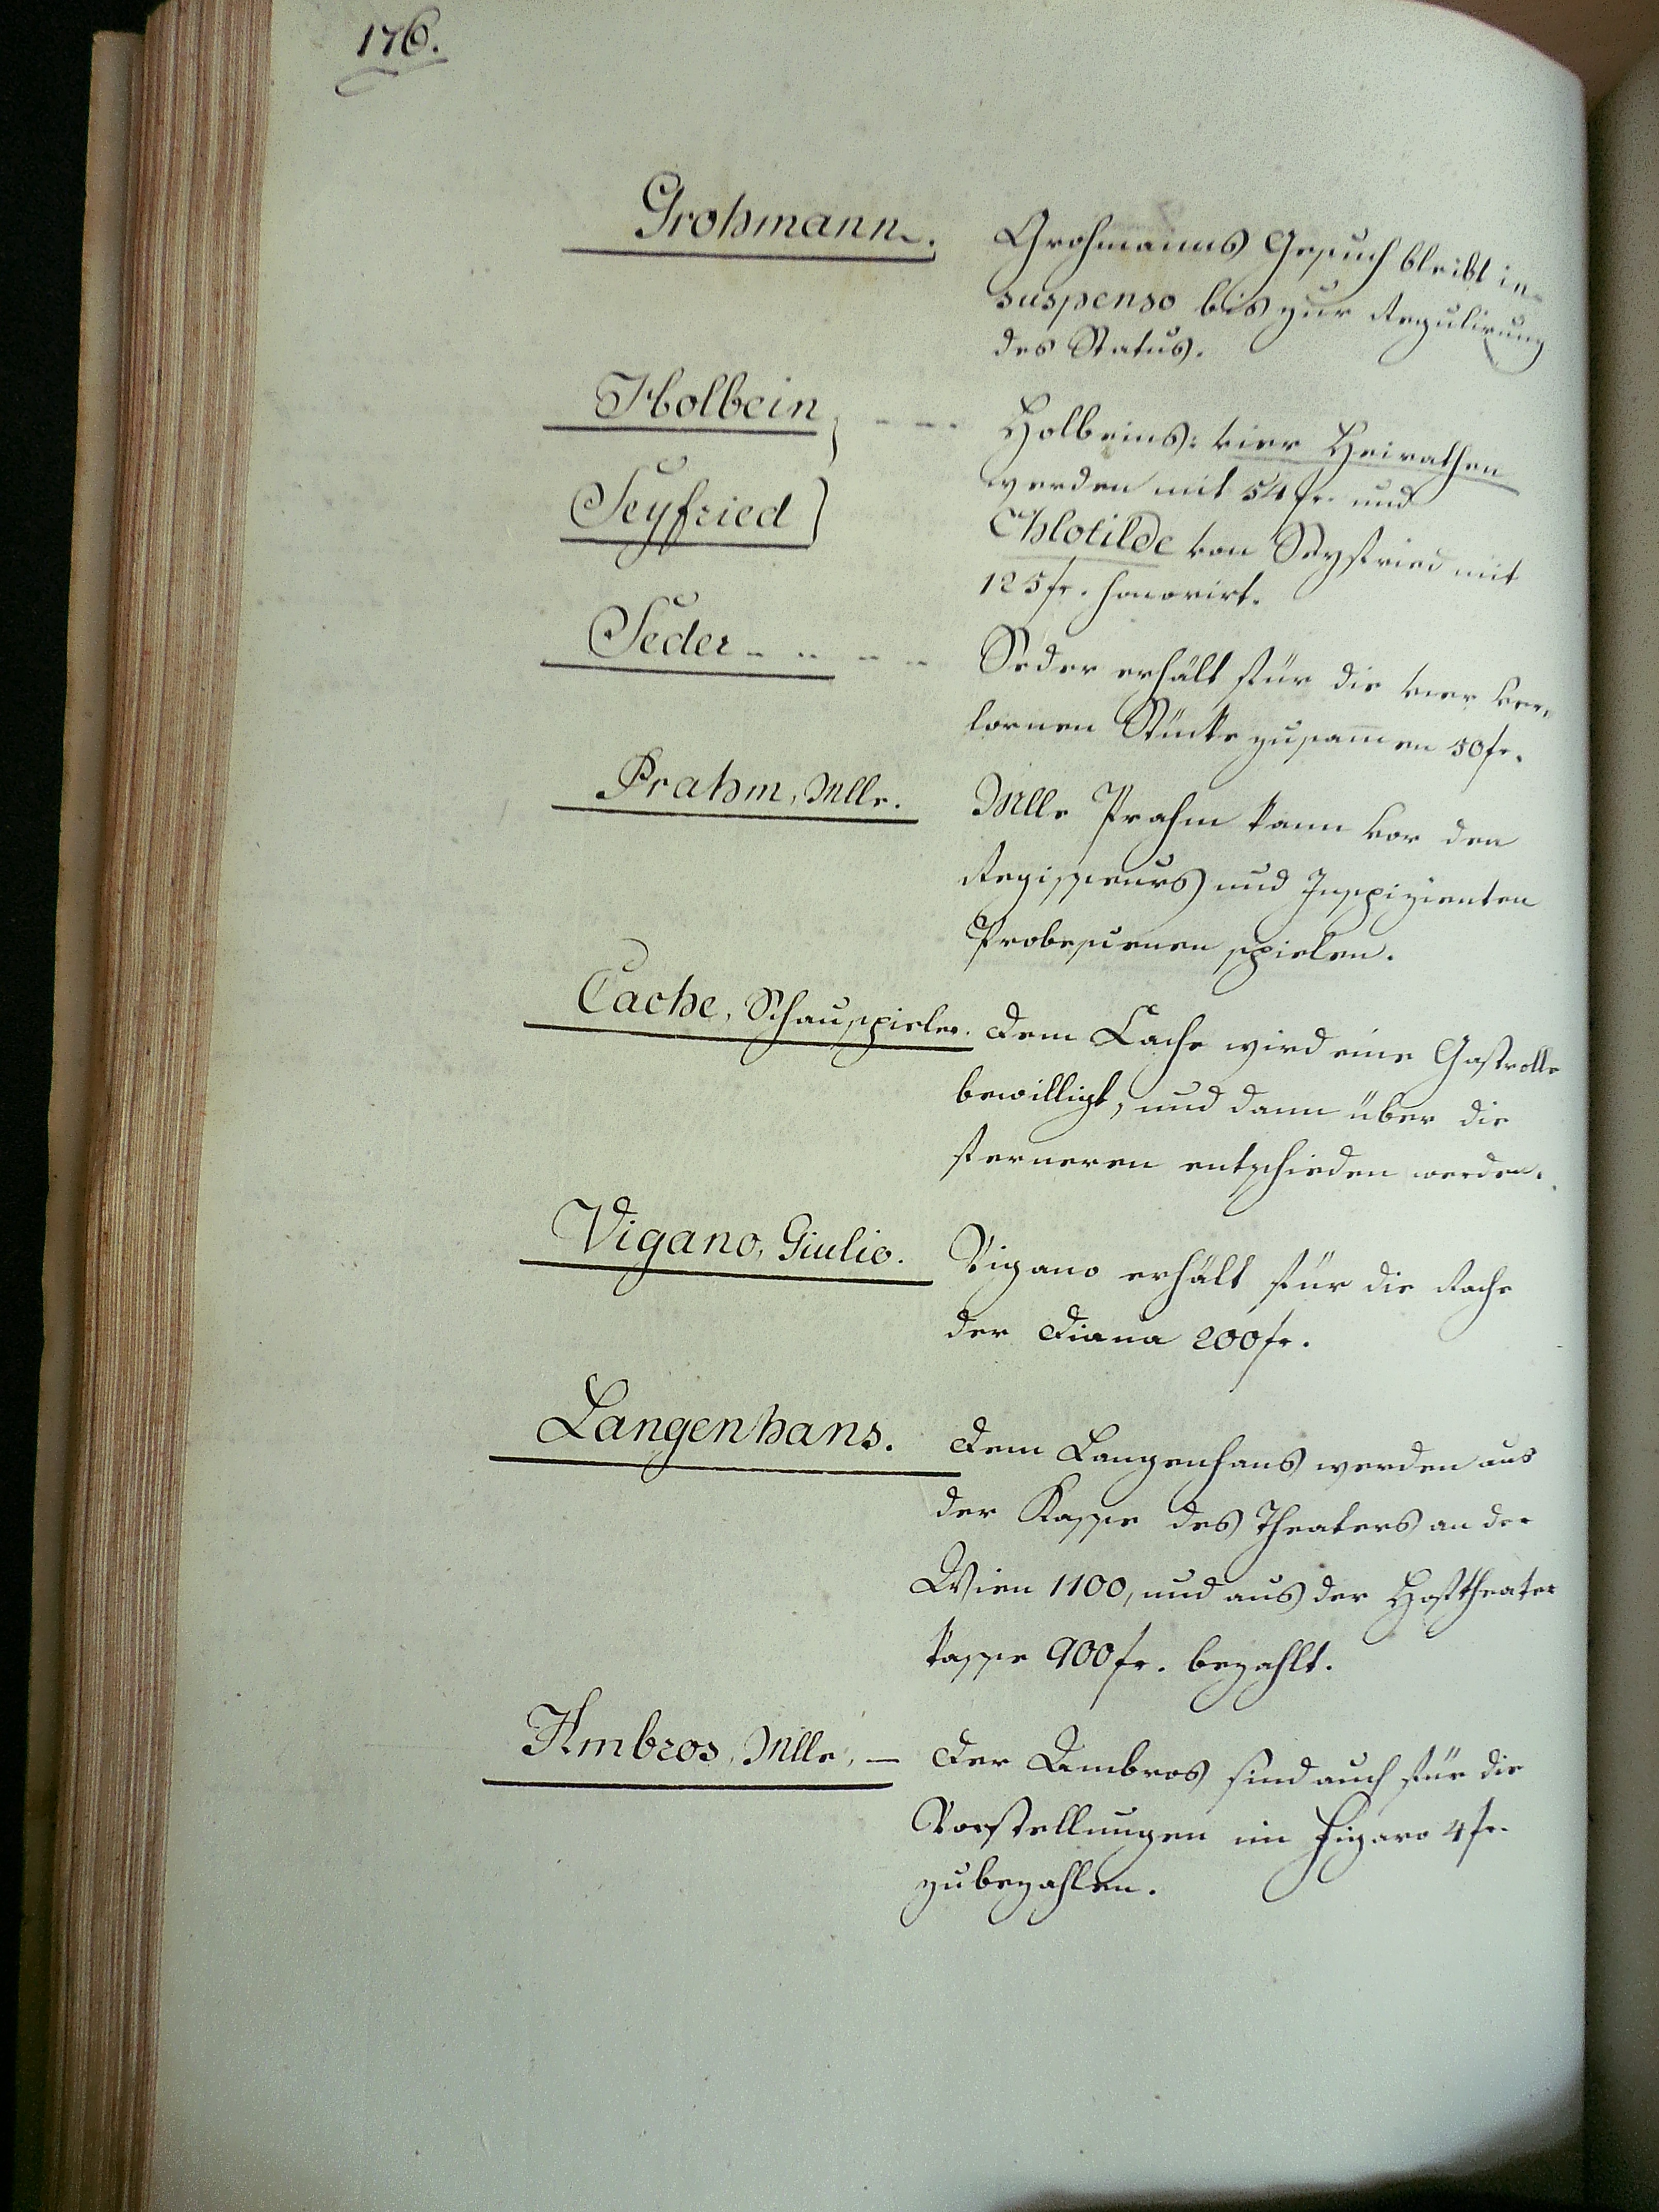176.
Grohmann. Grohmanns Gesuch bleibt in
suspenso bis zur Regulirung
des Status.
Holbein
Seyfried
Holbeins: vier Heirathen
werden mit 54fr. und
Klotilde von Seyfried mit
125fr. honorirt.
Seder .. .. .. .. Seder erhält für die vier ver¬
lornen Stücke zusamen 50fr.
Prahm, Mlle. Mlle Prahm kann vor den
Regisseurs und Inspizienten
Probescenen spielen.
Cache, Schauspieler. Dem Cache wird eine Gastrolle
bewilligt, und dann über die
ferneren entschieden werden.
Vigano, Giulio. Vigano erhält für die Rache
der Diana 200 fr.
Langenhans. Dem Langenhans werden aus
der Kasse des Theaters an der
Wien 1100, und aus der Hoftheater
Kasse 900fr. bezahlt.
Ambros, Mlle. _ Der Ambros sind auch für die
Vorstellungen im Figaro 4fr.
zu bezahlen.